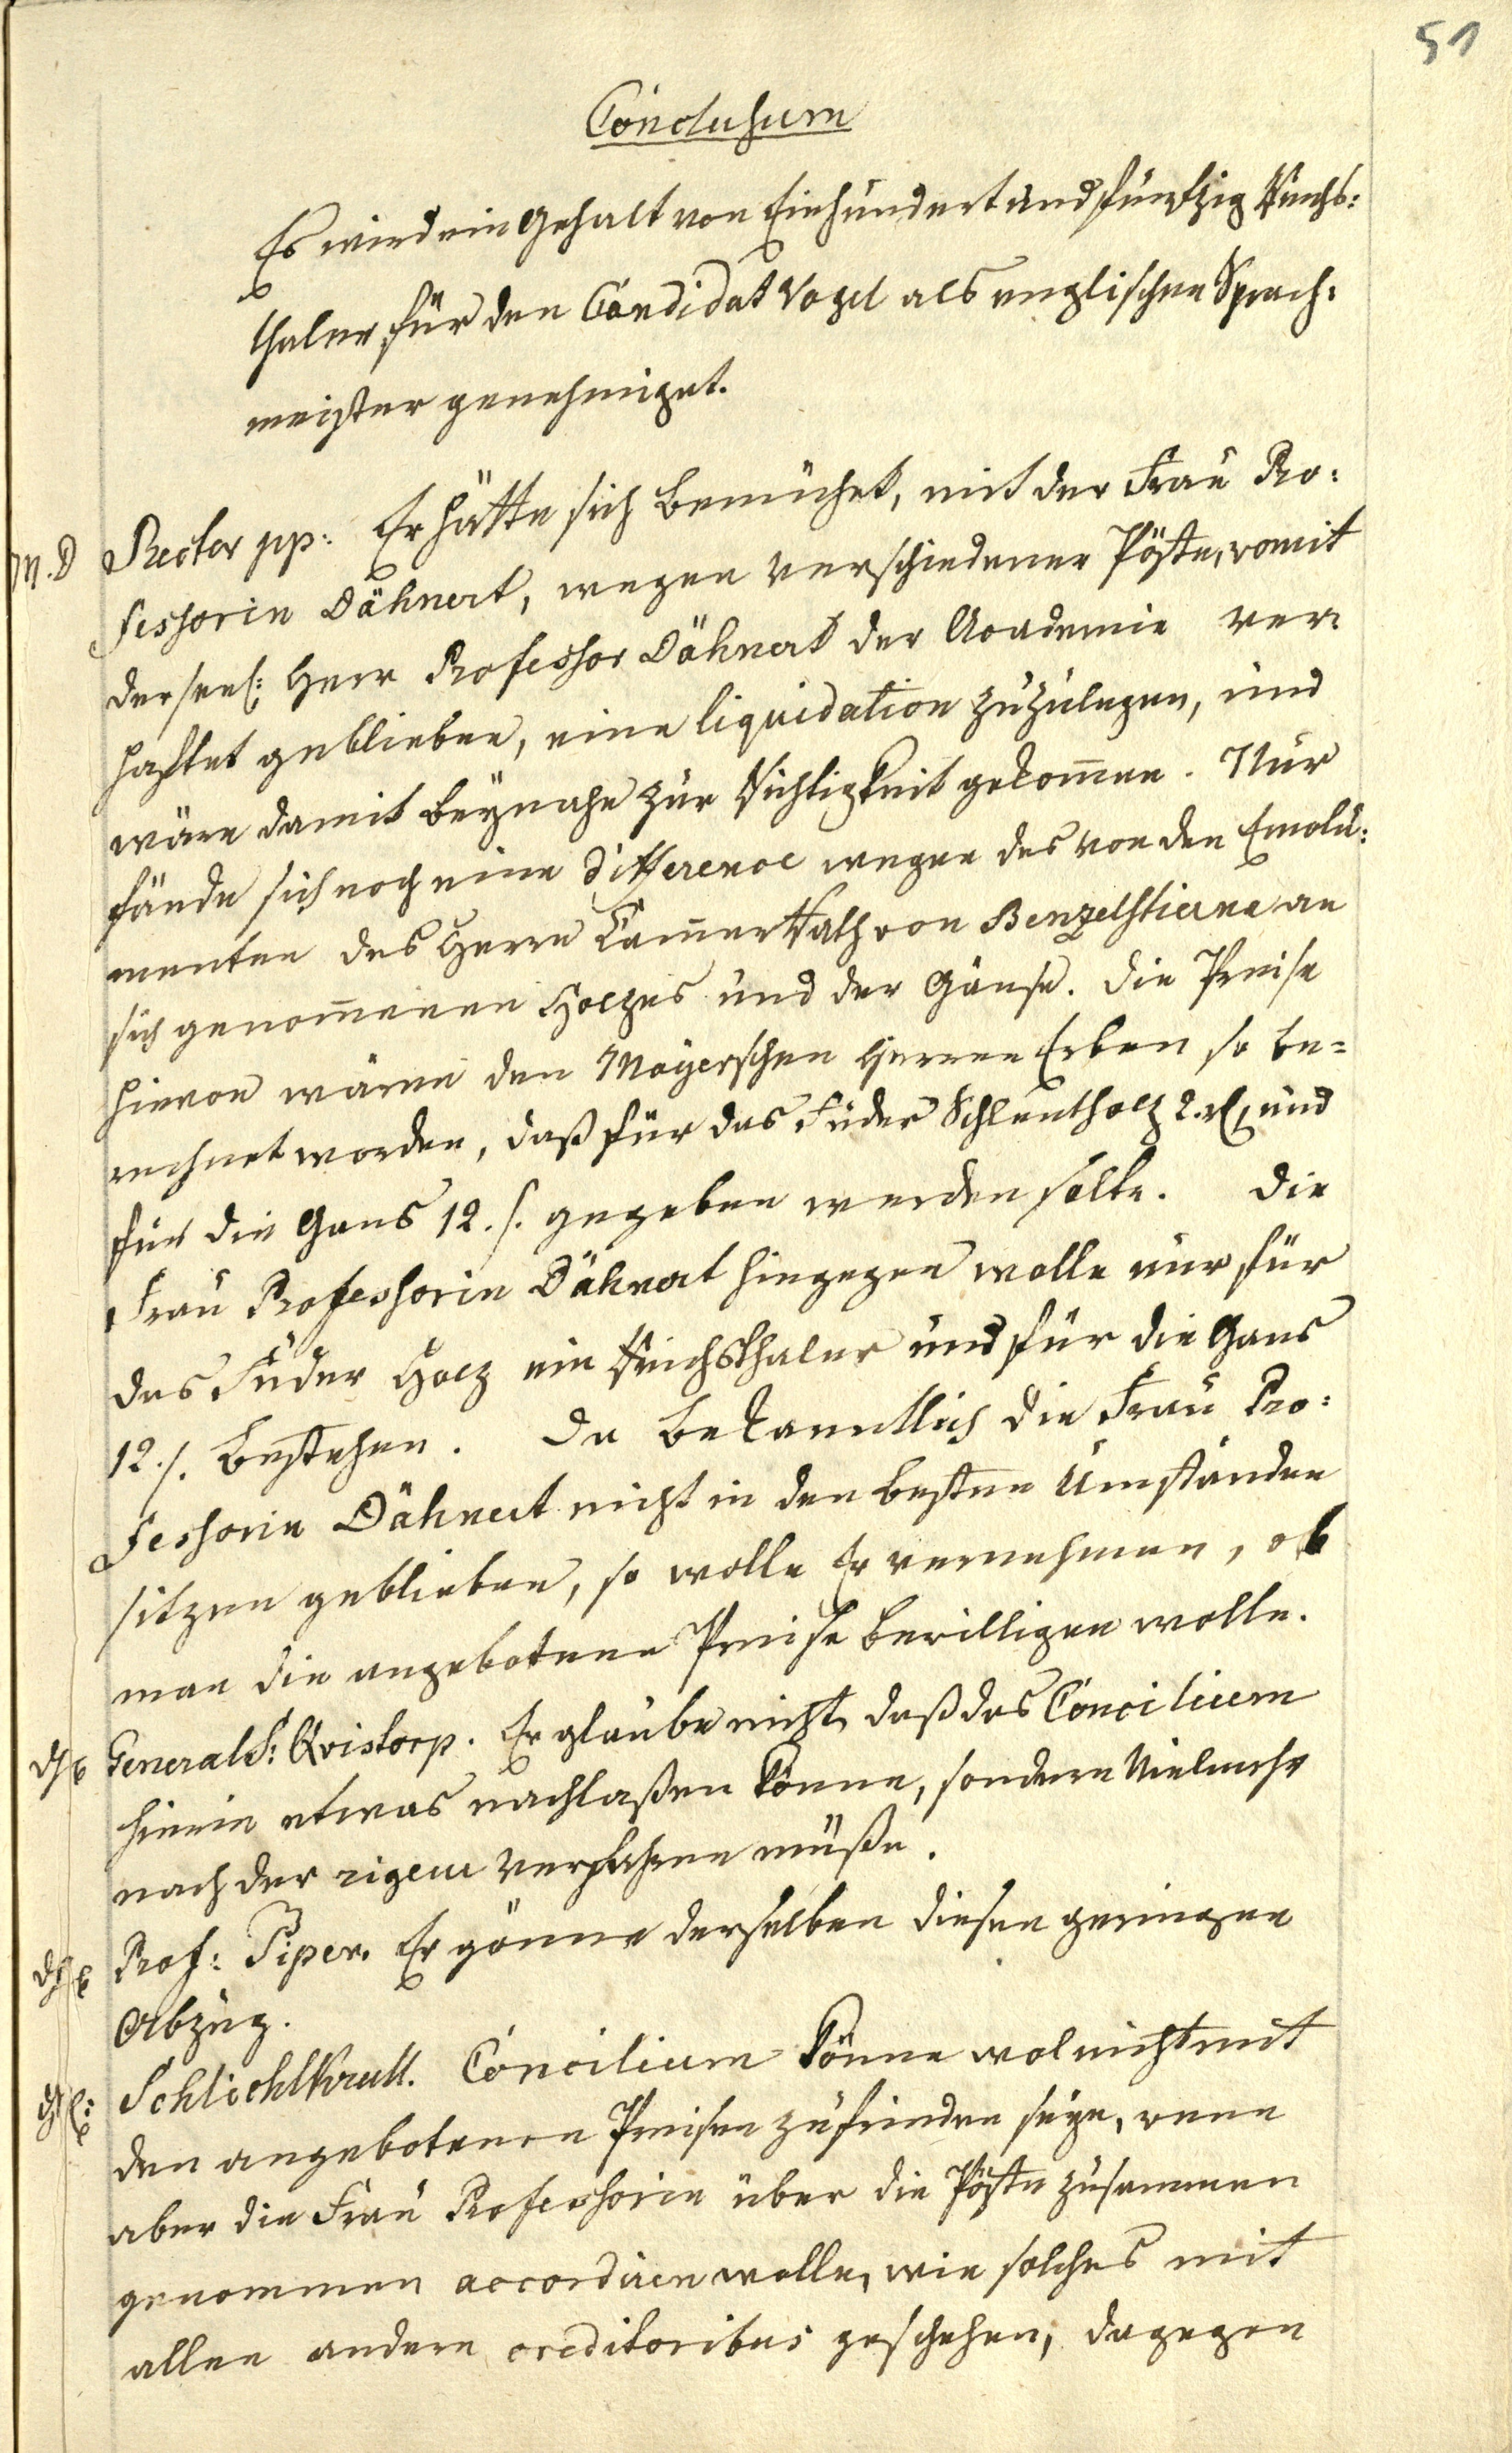Conclusum
Es wird ein Gehalt von Einhundertundfünfzig Reichs¬
thaler für den Candidat Vogel als englischen Sprach¬
meister genehmiget¬
M. D Rector pp. Er hätte sich bemühet, mit der Frau Pro¬
fessorin Dähnert wegen verschiedener Pöste, womit
der seel. Herr Professor Dähnert der Academie ver¬
haftet geblieben, eine liquidation zuzulegen, und
wäre damit beÿnahe zur Richtigkeit gekomen. Nur
fände sich noch eine difference wegen des von den Emolu¬
menten des Herrn CamerRath von Benzelstierna an
sich genomenen Holzes und der Gänse. Die Preise
hievon wären den Maÿerschen Herren Erben so be¬
rechnet worden, daß für das Fuder Schlentholz 2 r, und
für die Gans 12. s. gegeben werden solte. Die
Frau Professorin Dähnert hingegen wolle nur für
das Fuder Holz ein Reichsthaler und für die Gans
12 s. bestehen. Da bekanntlich die Frau Pro¬
fessorin Dähnert nicht in den besten Umständen
sitzen geblieben, so wolle Er vernehmen, ob
man die angebotene Preise bewilligen wolle.
dh GeneralS. Quistorp. Er glaube nicht, daß das Concilium
hierin etwas nachlaßen könne, sondern vielmehr
nach der rigem verfahren müße.
dh Prof. Piper Er gönne derselben diesen geringen
Abzug.
dh. Schlichtkrull. Concilium könne wol nicht mit
den angebotenen Preisen zufrieden seÿn, wenn
aber die Frau Professorin über die Pöste zusammen
genommen accordiren wolle, wie solches mit
allen andern creditoribus geschehen, dagegen